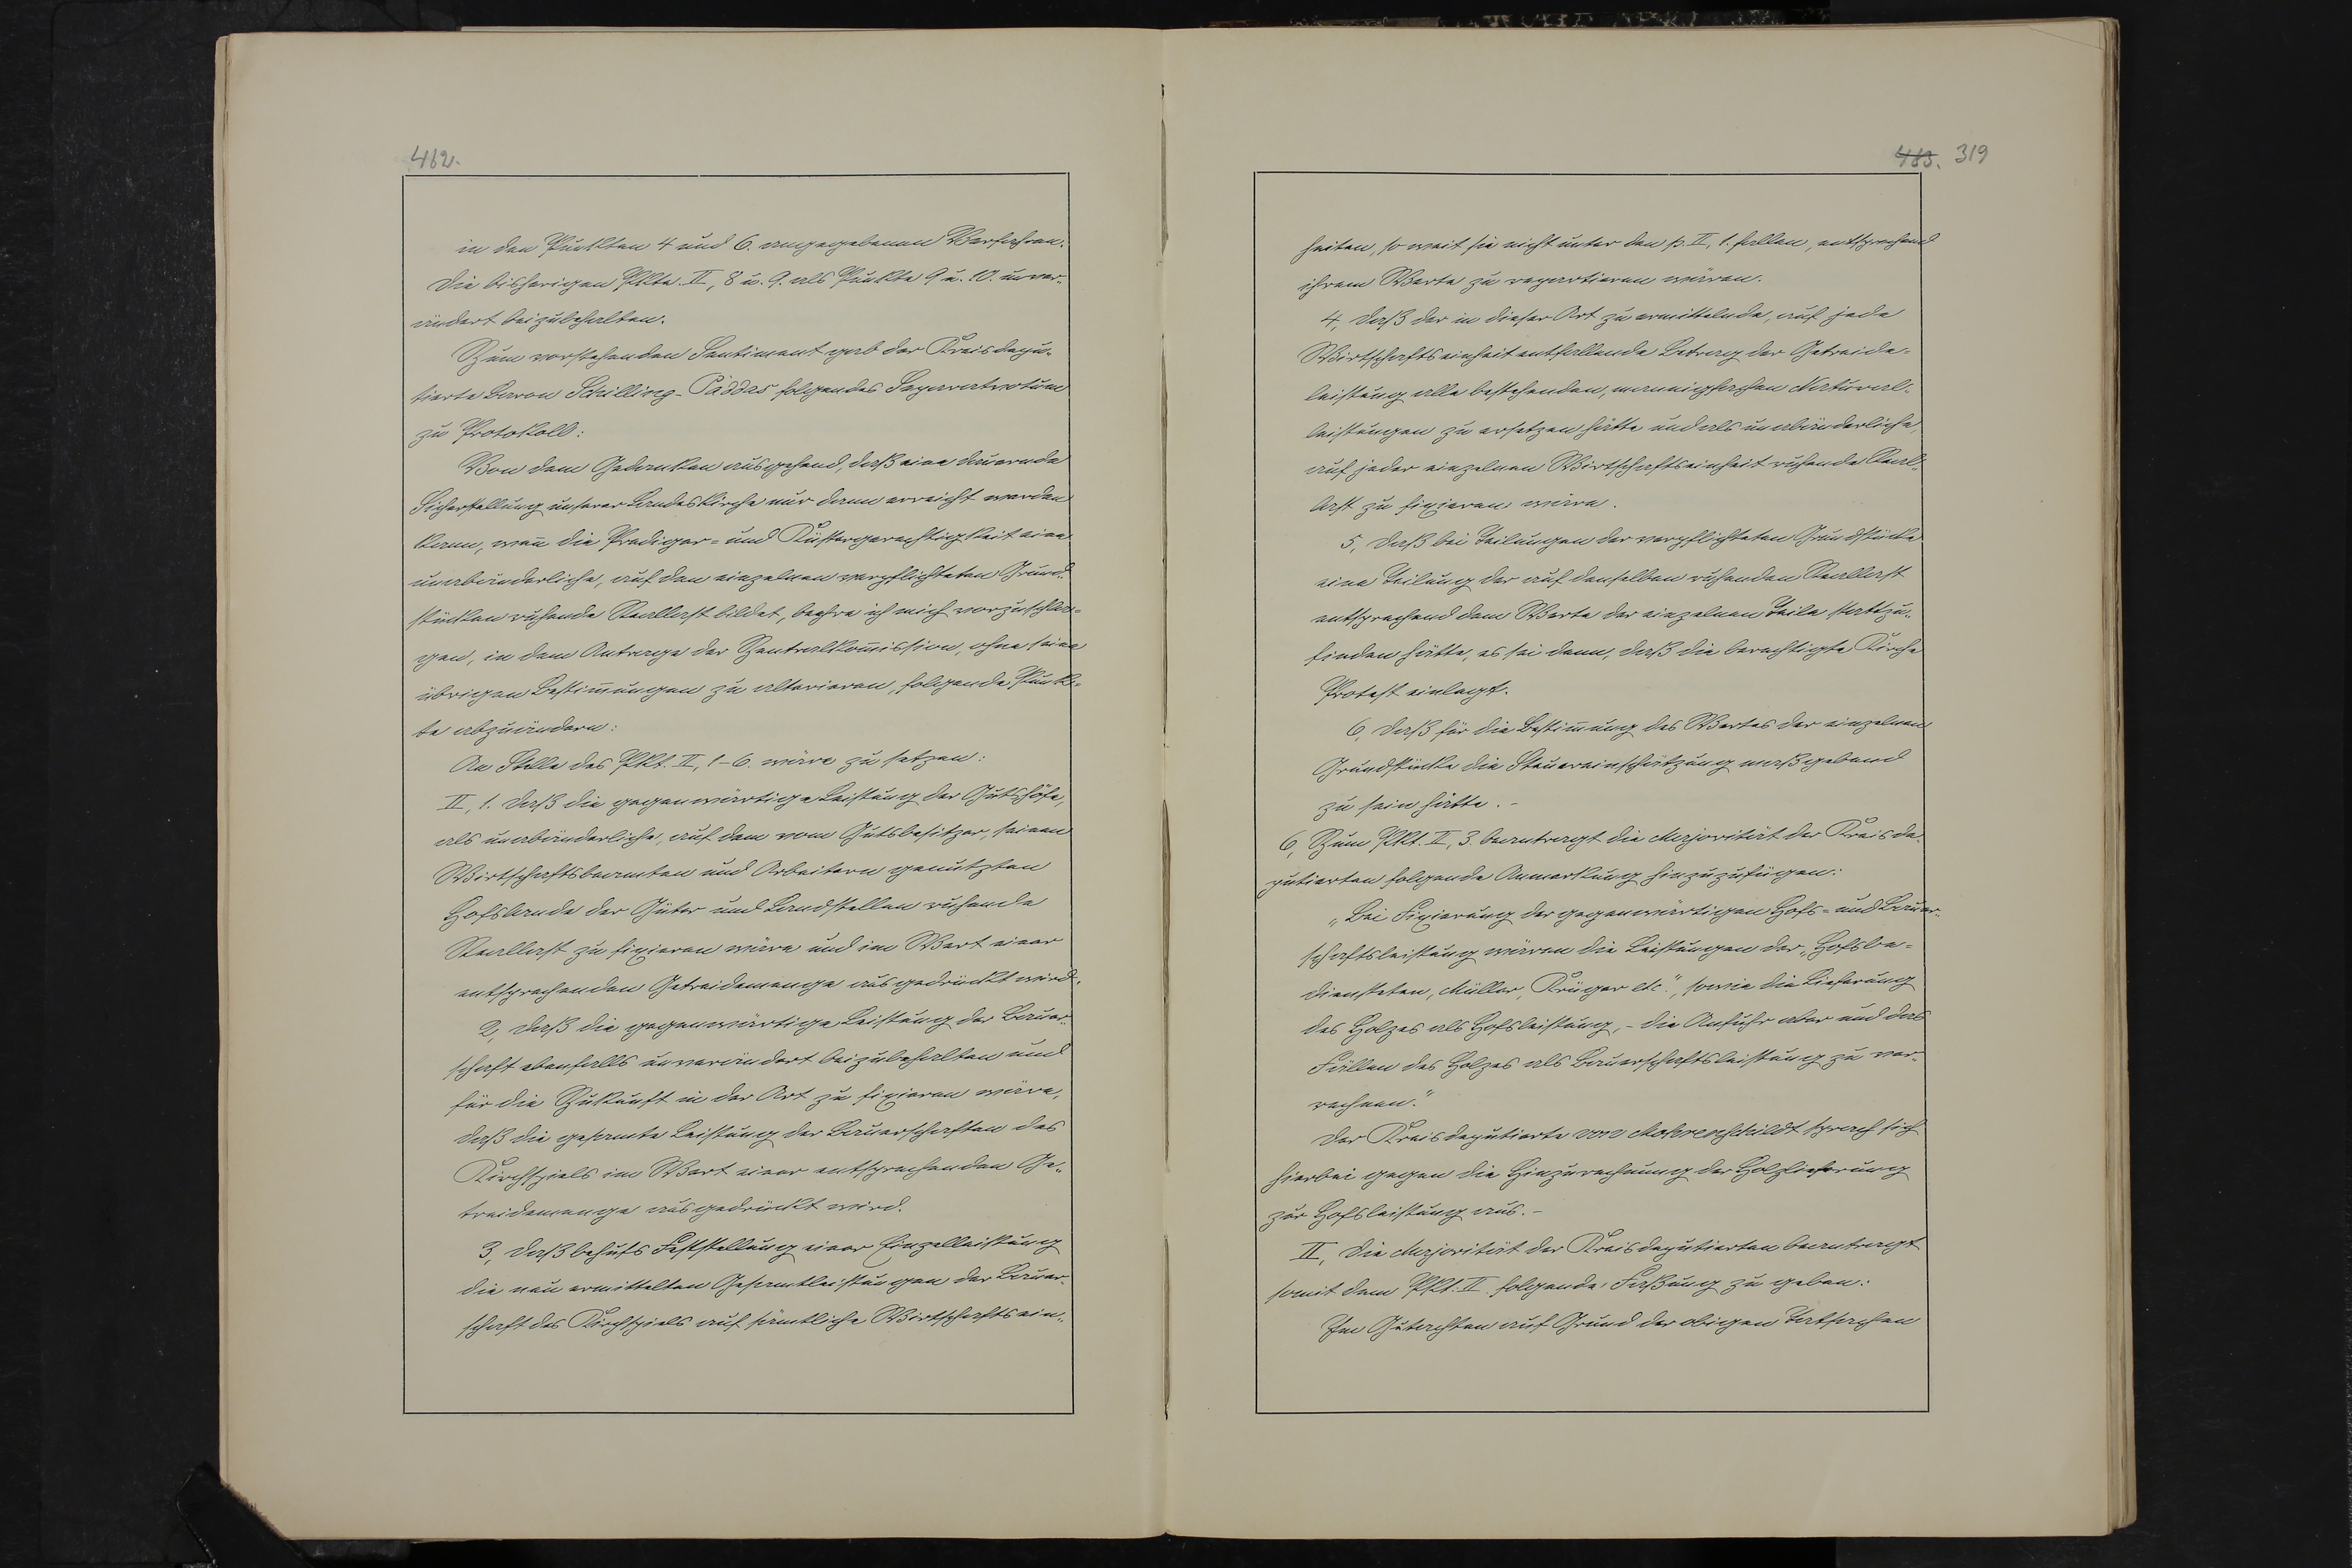in den Punkten 4 und 6. angegebenen Verfahren.
Die bisherigen Pkte. II,8 u. 9. als Punkte 9 u. 10. unver-
ändert beizubehalten.
Zum vorstehenden Sentiment gab der Kreisdepu-
tierte Baron Schilling-Paddas folgendes Separatvotum
zu Protokoll:
Von dem Gedanken ausgehend, daß eine dauernde
Sicherstellung unserer Landeskirche nur dann erreicht werden
kann, wenn die Prediger- und Küstergerechtigkeit eine
unabänderliche, auf den einzelnen verpflichteten Grund-
stücken ruhende Reallast bildet, beehre ich mich vorzuschla-
gen, in dem Antrage der Zentralkommission, ohne seine
übrigen Bestimmungen zu alterieren, folgende Punk-
te abzuändern:
An Stelle des Pkt. II.1-6. wäre zu setzen:
II.1. daß die gegenwärtige Leistung der Gutshöfe,
als unabänderliche, auf dem vom Gutsbesitzer, seinen
Wirtschaftsbeamten und Arbeitern genutzten
Hofslande der Güter und Landstellen ruhende
Reallast zu fixieren wäre und im Wert einer
entsprechenden Getreidemenge ausgedrückt wird.
2. daß die gegenwärtige Leistung der Bauer-
schaft ebenfalls unverändert beizubehalten und
für die Zukunft in der Art zu fixieren wäre,
daß die gesamte Leistung der Bauerschaften des
Kirchspiels im Wert einer entsprechenden Ge-
treidemenge ausgedrückt wird.
3. daß behufs Feststellung einer Einzelleistung
die neu ermittelten Gesamtleistungen der Bauer-
schaft des Kirchspiels auf sämtliche Wirtschaftsein-
heiten, soweit sie nicht unter den p. II.1 fallen, entsprechend
ihrem Werte zu repartieren wären.
4. daß der in dieser Art zu ermittelnde, auf jede
Wirtschaftseinheit entfallende Betrag der Getreide-
leistung alle bestehenden, mannigfachen Natural-
leistungen zu ersetzen hätte und als unabänderliche,
auf jeder einzelnen Wirtschaftseinheit ruhende Real-
last zu fixieren wäre.
5. daß bei Teilungen der verpflichteten Grundstücke
eine Teilung der auf denselben ruhenden Reallast
entsprechend dem Werte der einzelnen Teile stattzu-
finden hätte, es sei denn, daß die berechtigte Kirche
Protest einlegt.
6. Daß für die Bestimmung des Wertes der einzelnen
Grundstücke die Steuereinschätzung maßgebend
zu sein hätte.
6. Zum Pkt. II.3. beantragt die Majorität der Kreisde-
putierten folgende Anmerkung hinzuzufügen:
„Bei Fixierung der gegenwärtigen Hofs- und Bauer-
schaftsleistung wären die Leistungen der „Hofsbe-
diensteten, Müller, Krüger etc.“, sowie die Lieferung
des Holzes als Hofsleistung, - die Anfuhr aber und das
Fällen des Holzes als Bauerschaftsleistung zu ver-
rechnen.“
Der Kreisdeputierte von Mohrenschildt sprach sich
hierbei gegen die Hinzurechnung der Holzlieferung
zur Hofsleistung aus.
II. Die Majorität der Kreisdeputierten beantragt
somit, dem Pkt. II. folgende Faßung zu geben:
Im Gutachten auf Grund der obigen Tatsachen